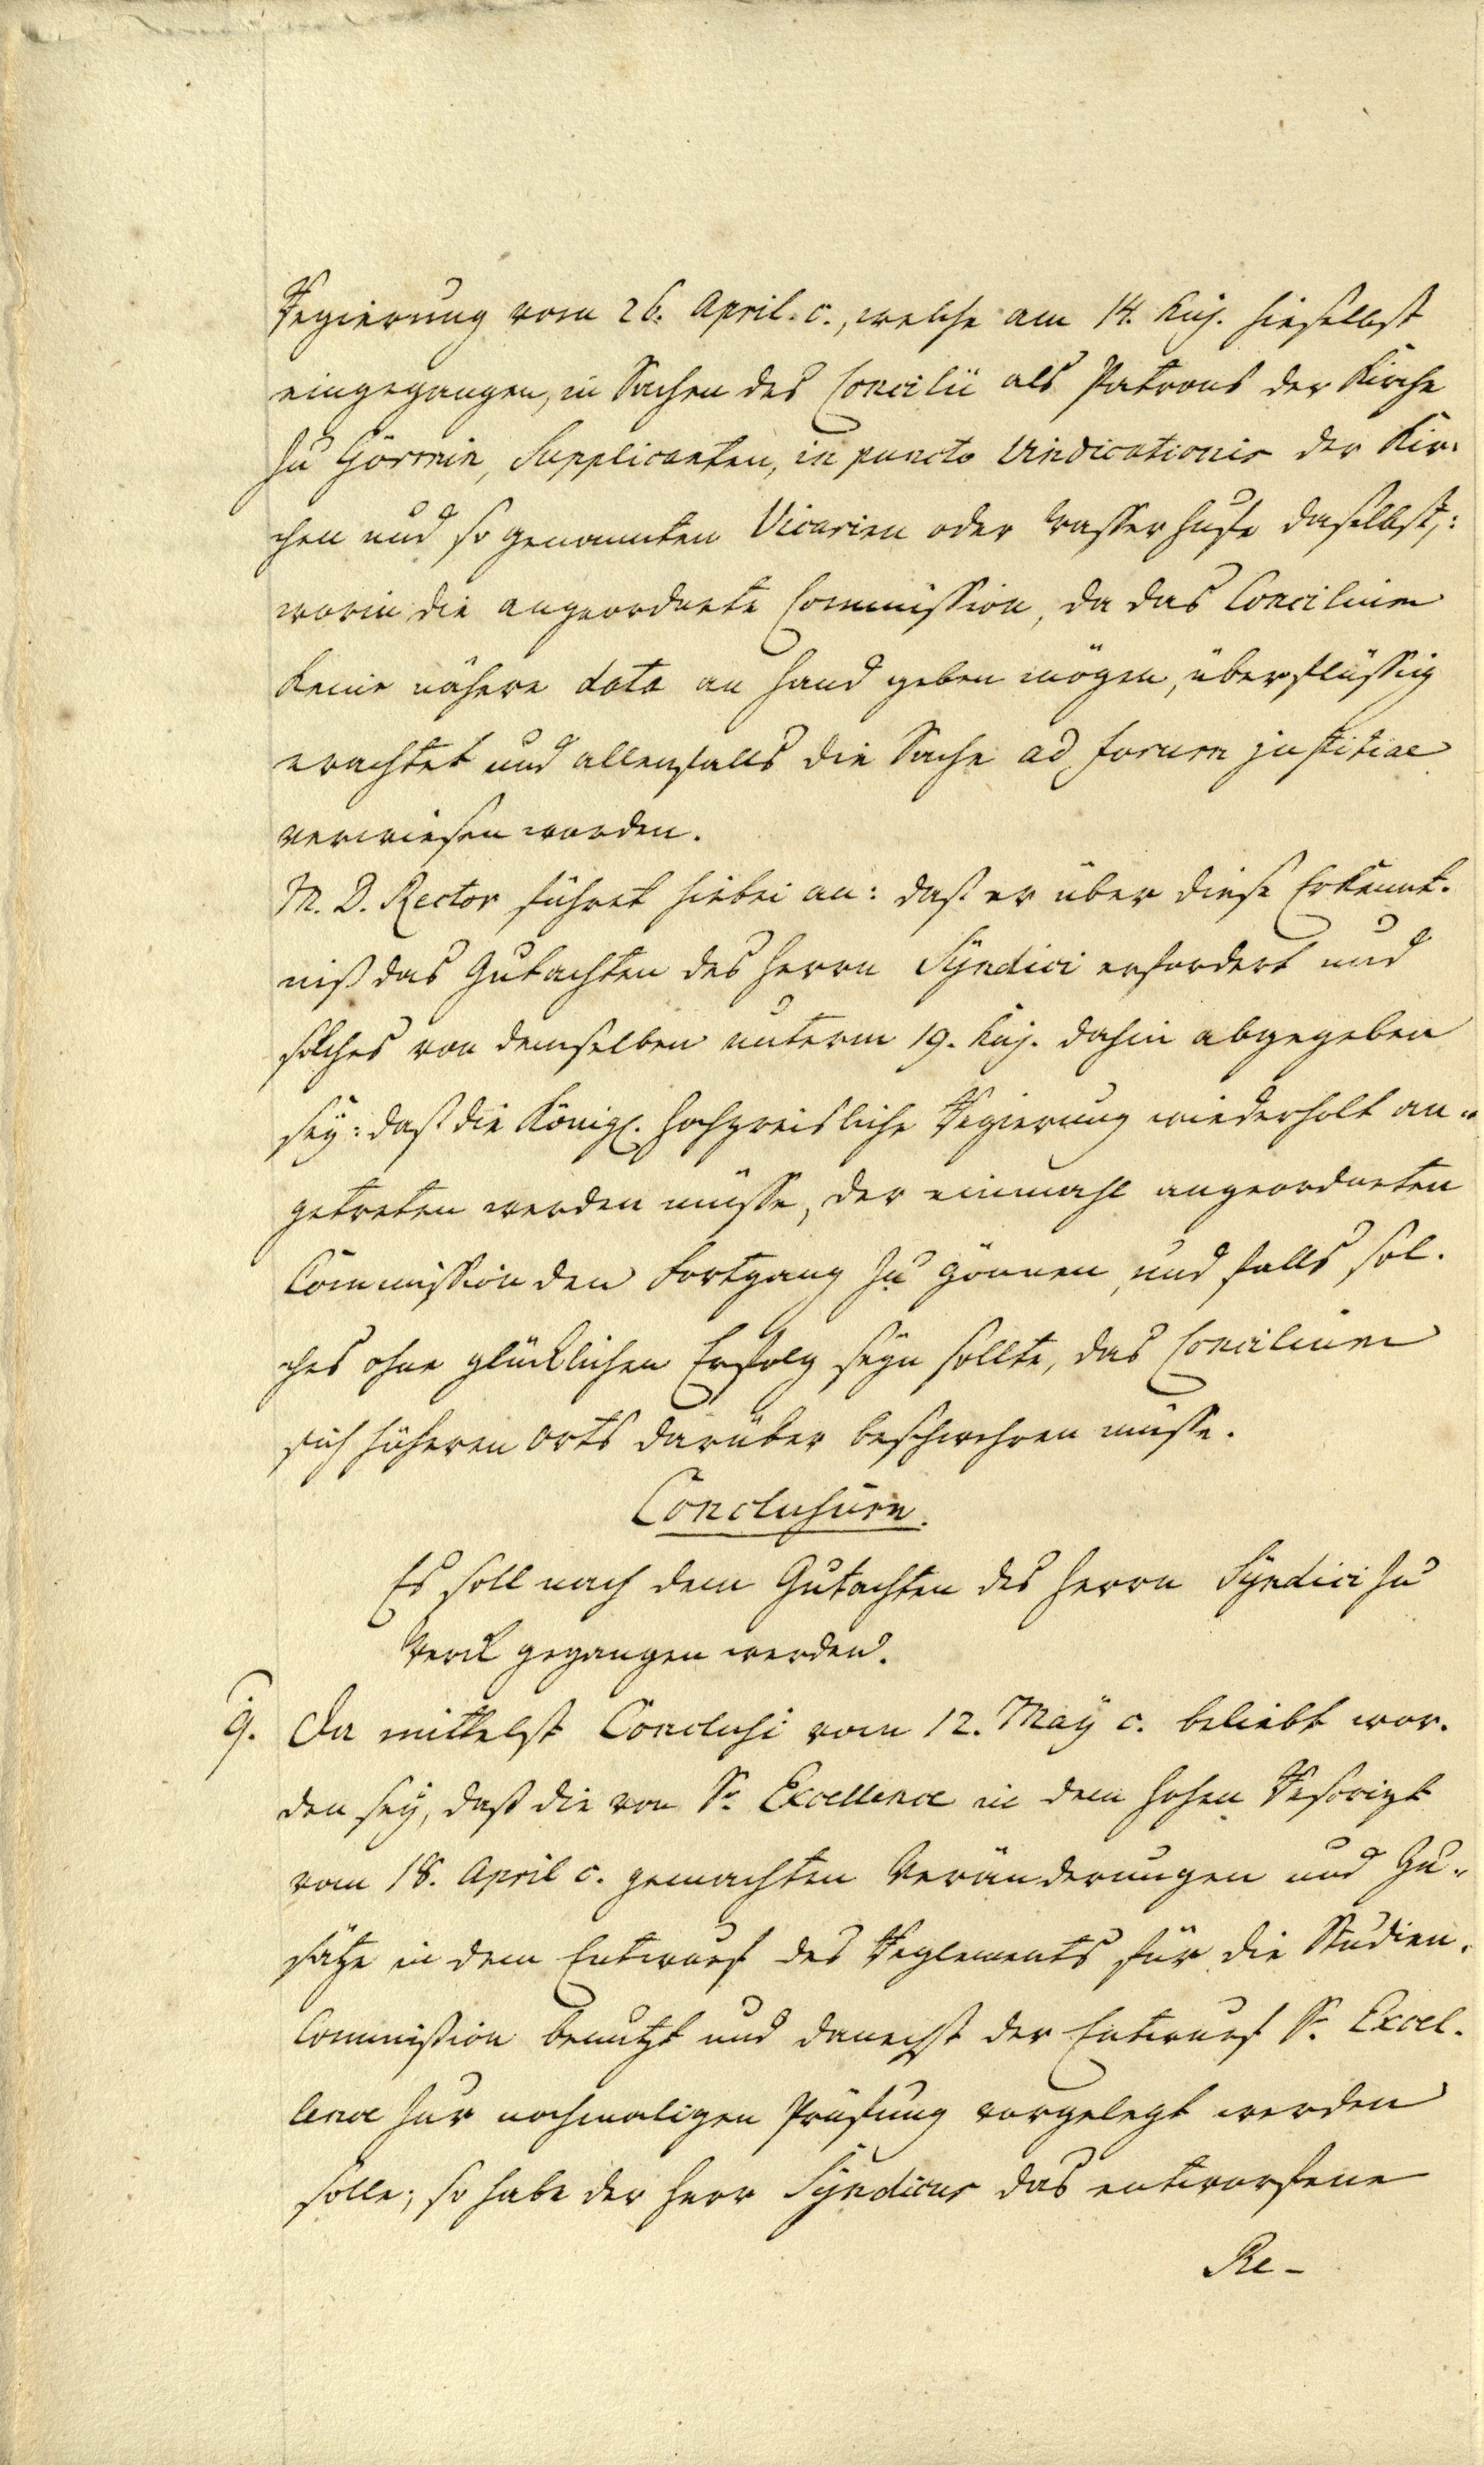Regierung vom 26. April. c., welche am 14. huj. hieselbst
eingegangen, in Sachen des Concilii als Patrons der Kirche
zu Görmin, Supplicanten, in puncto Vindicationis der Kir¬
chen und so genannten Vicarien oder Wasserhufe daselbst,:
worin die angeordnete Commission, da das Concilium
keine nähere data an hand geben mögen, überflüssig
erachtet und allenfalls die Sache ad Forum justitiae
verwiesen worden.
M. D. Rector führet hiebei an: daß er über diese Erkennt¬
niß das Gutachten des herrn Sÿndici erfordert und
solches von demselben unterm 19. huj. dahin abgegeben
seÿ: daß die Königl. hochpreisliche Regierung wiederholt an¬
getreten werden müsse, der einmahl angeordneten
Commission den Fortgang zu gönnen, und falls sol¬
ches ohne glücklichen Erfolg seÿn sollte, das Concilium
sich höheren orts darüber beschwehren müsse.
Conclusum
Es soll nach dem Gutachten des herrn Sÿndici zu
Werck gegangen werden.
9. Da mittelst Conclusi vom 12. Maÿ c. beliebt wor¬
den seÿ, daß die von Sr.Excellence in dem hohen Rescript
vom 18. April c. gemachten Veränderungen und Zu¬
sätze in dem Entwurf des Reglements für die Studien¬
Commission benutzt und danechst der Entwurf Sr. Excel¬
lence zur nochmaligen Prüfung vorgelegt werden
solle; so habe der herr Sÿndicus das entworfene
Re